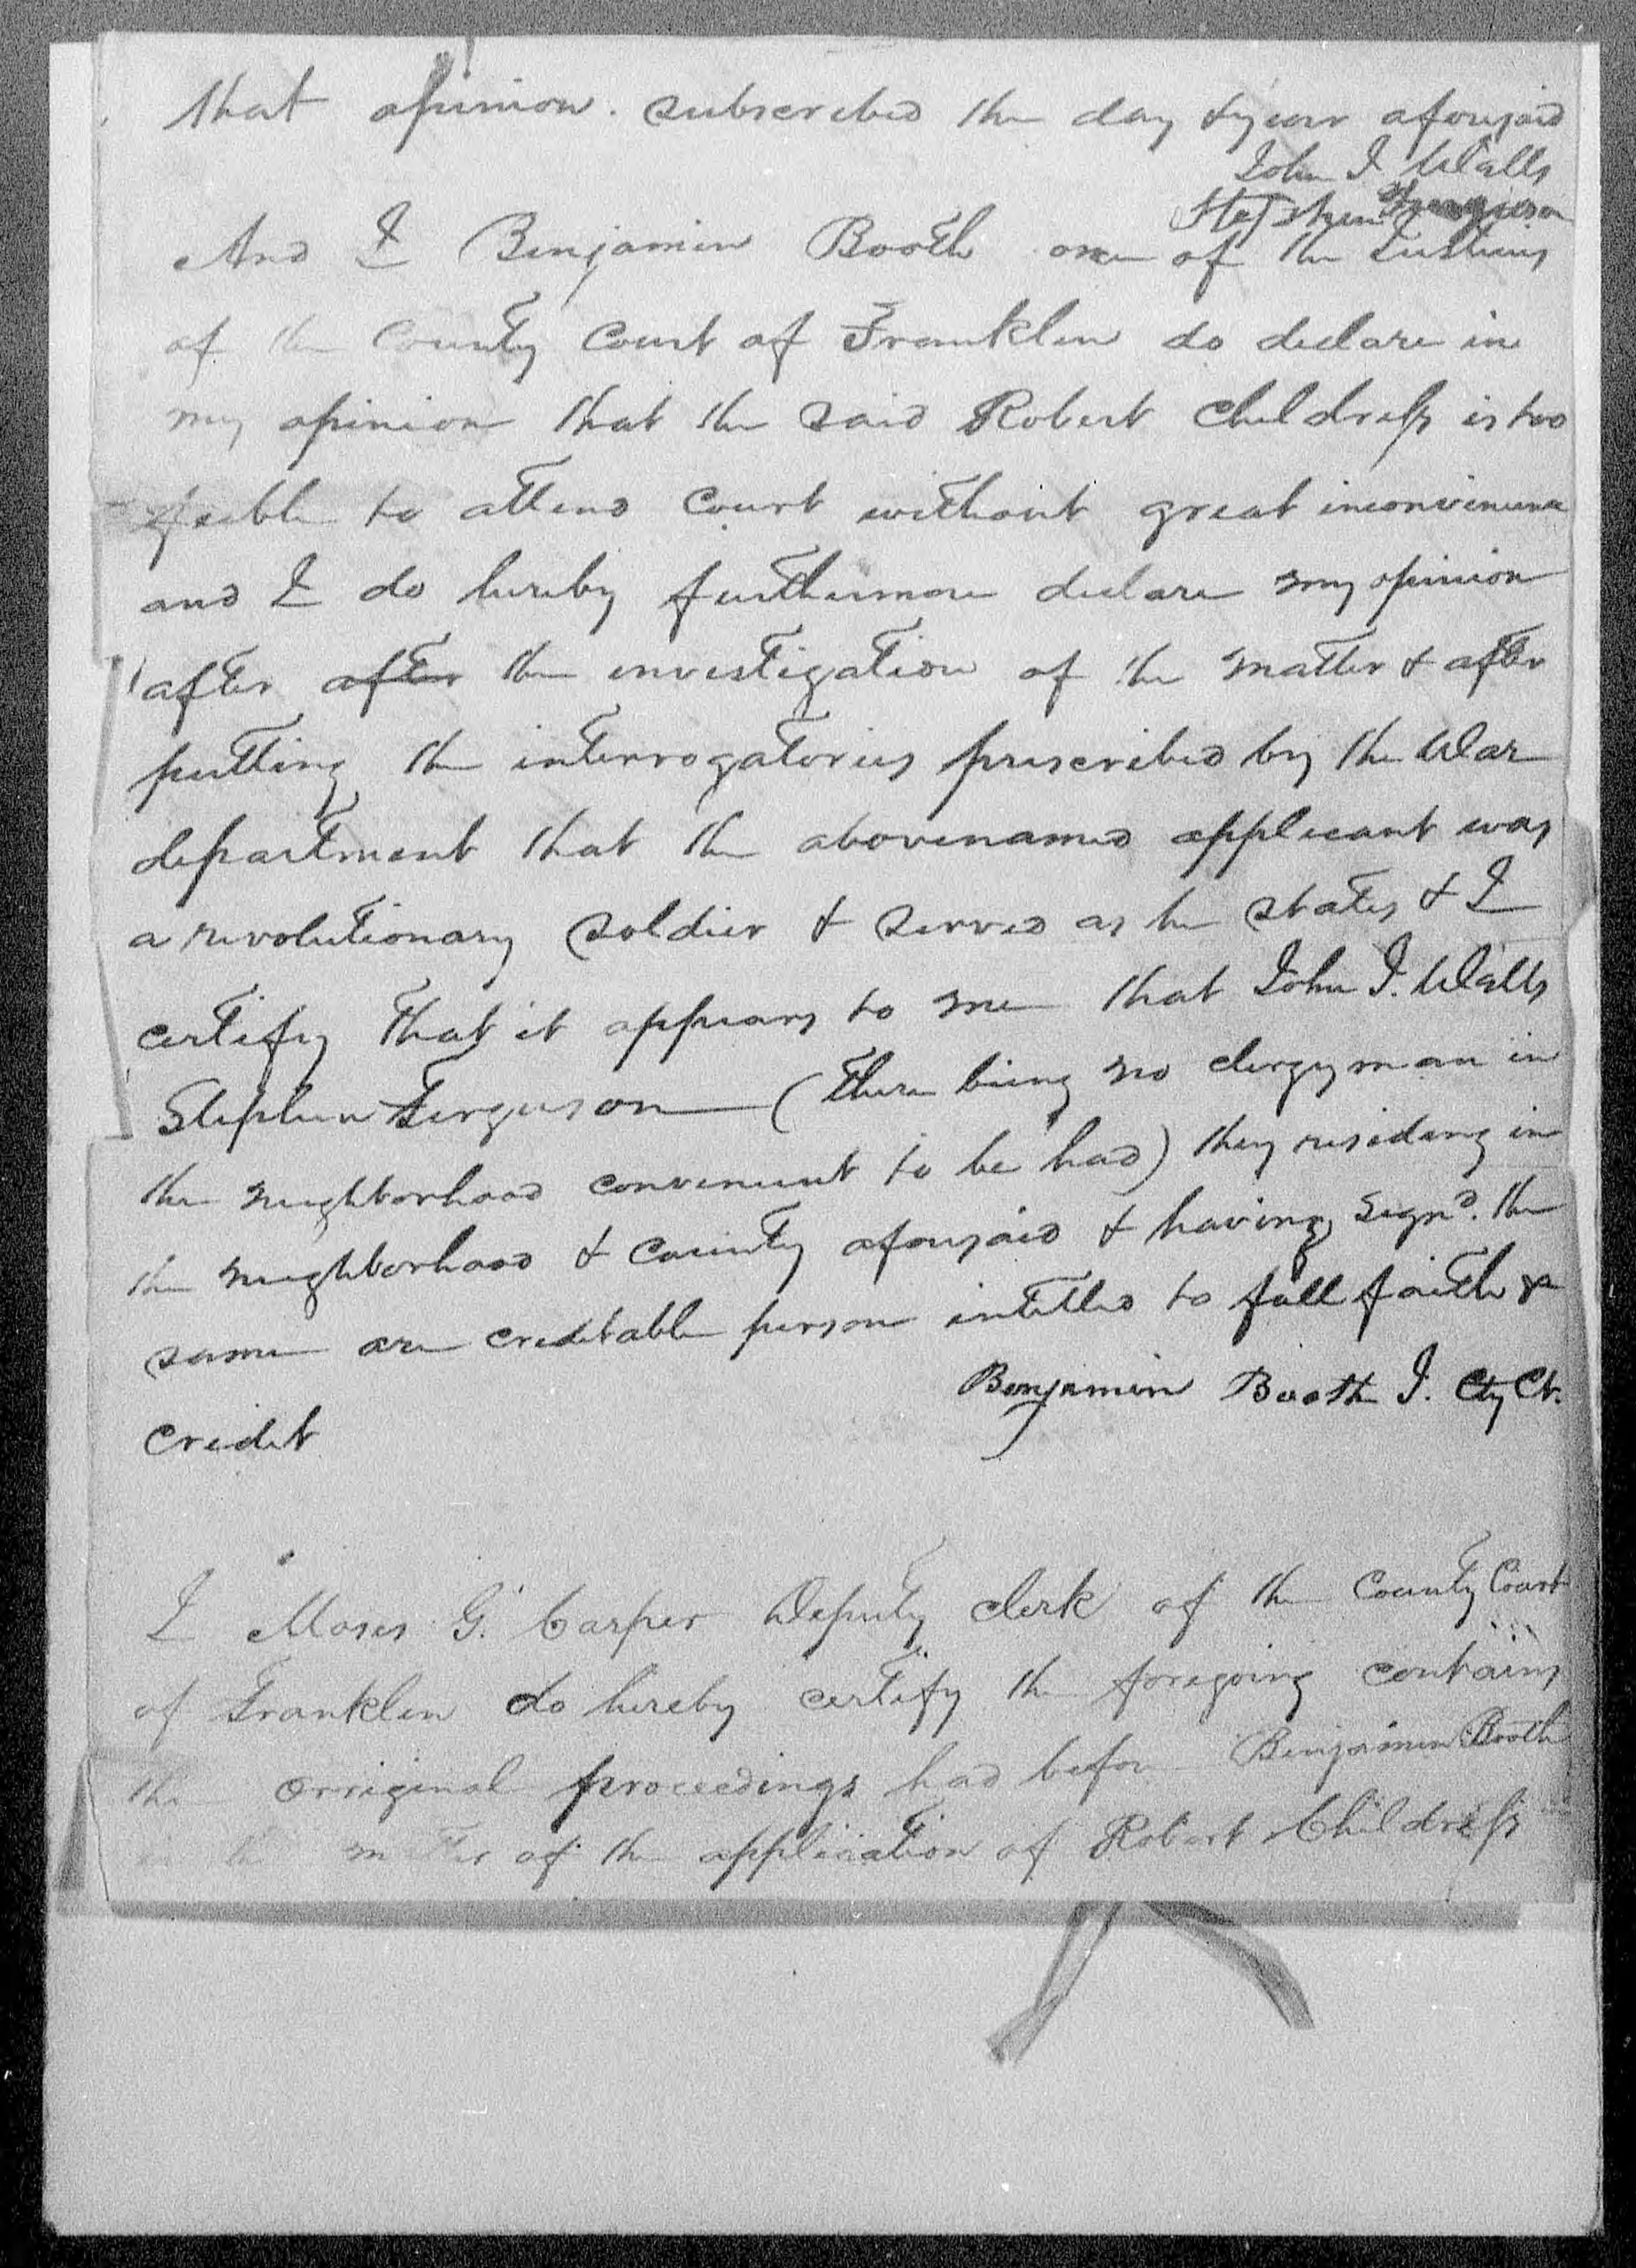that opinion subscribed the day & year aforesaid [illegible] And I Benjamin Booth one of the [illegible] of the County Court of Franklin do declare in my opinion that the said Robert Childress is to able to attend Court without great inconvenience and I do hereby furthermore declare my opinion [illegible] investigation of the matter & after [illegible] the interrogatories prescribed by the war department that the above named applicant was a revolutionary soldier & served as he states & I certify that it appears to me that John J. Wills Stephen Serguson (there being no dargman in the neighborhood convenient to be had) they residing in the neighborhood & county aforesaid & having sign the same are creditable person intitled to full faith.
Benjamin Booth J. Cty Ch.
credit
 I Moses G. Carper Deputy Clerk of the County Court of Franklin do hereby certify the foregoing contains the original proceedings had before Benjamin Booth in the [illegible] of the application of Robert Childress.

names: John J Wells, Benjamin Booth, Robert Childress, John J Wells, Stephen Ferguson, Moses G Carper, Stephen Ferguson, Robert Childress, Benjamin Booth, Benjamin Booth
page: 6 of 25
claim: rejected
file: R. 1929, Robert Childress, Va